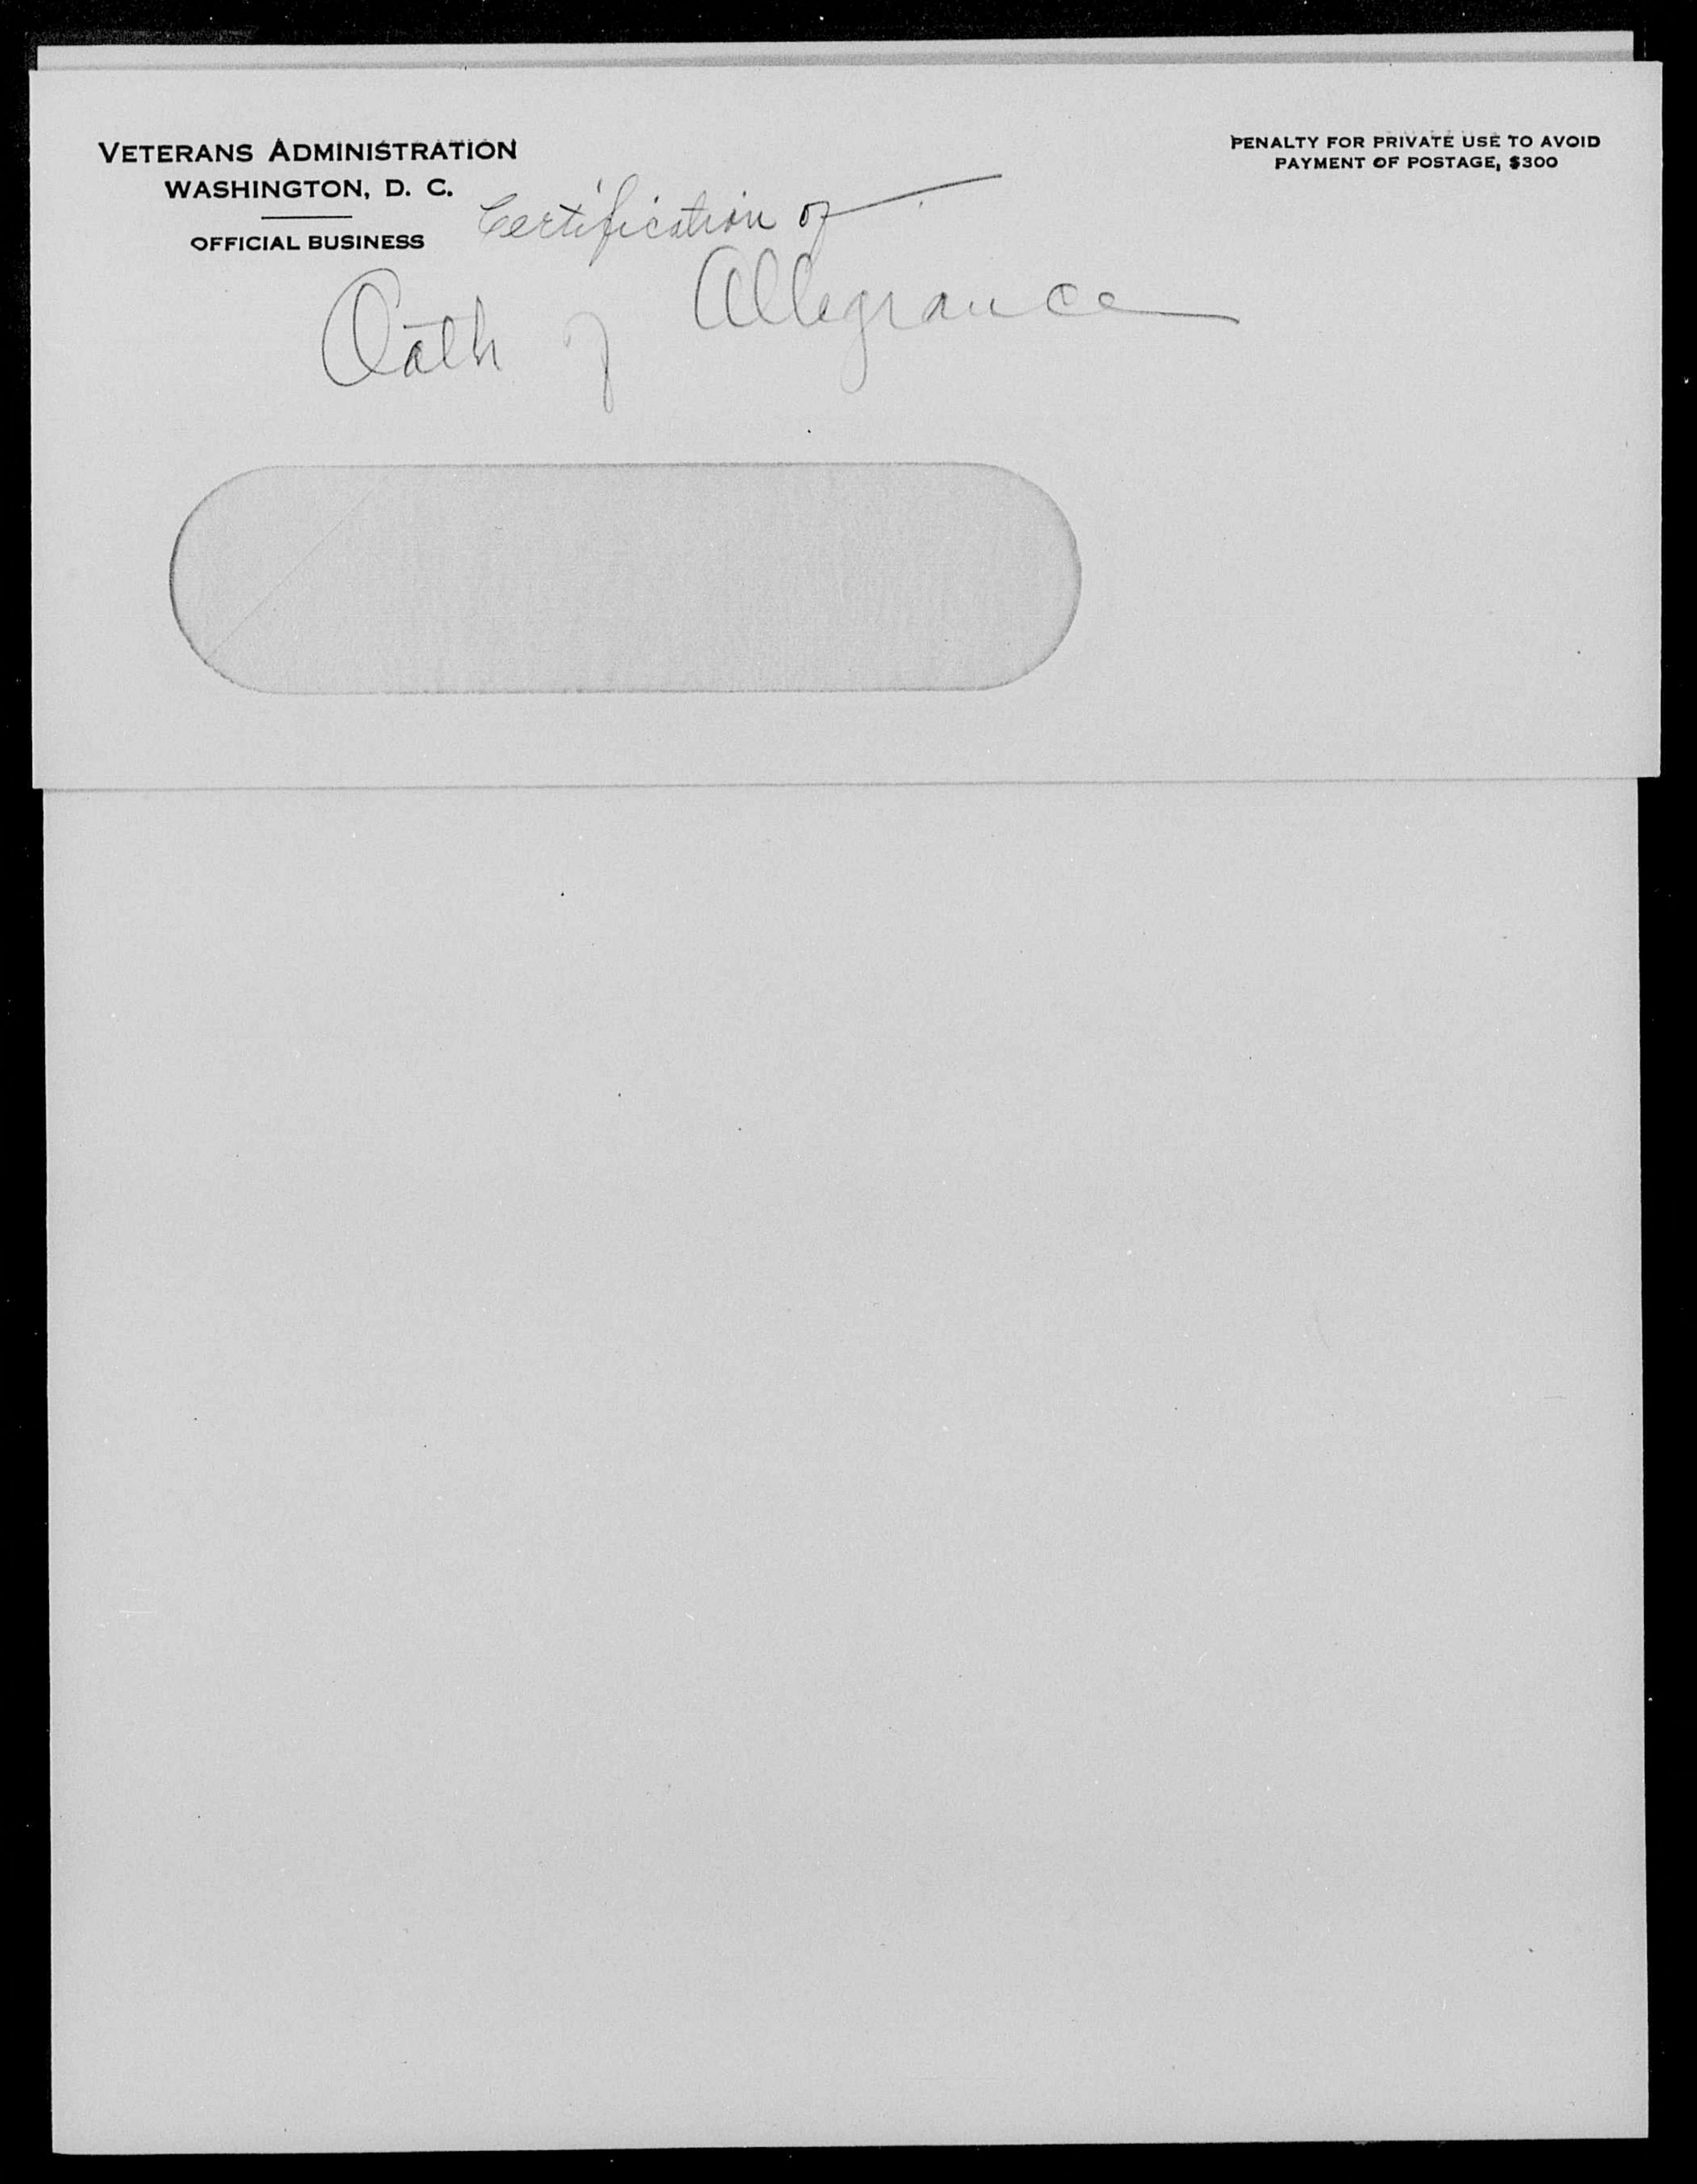[undated envelope:]
VETERANS ADMINISTRATION
WASHINGTON, D. C.
OFFICIAL BUSINESS

Certification of
Oath
Allegiance

PENALTY FOR PRIVATE USE TO AVOID
PAYMENT OF POSTAGE $300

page: 15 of 34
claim: survivor's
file: S. 30608, for Gabrel Mullins, Virginia